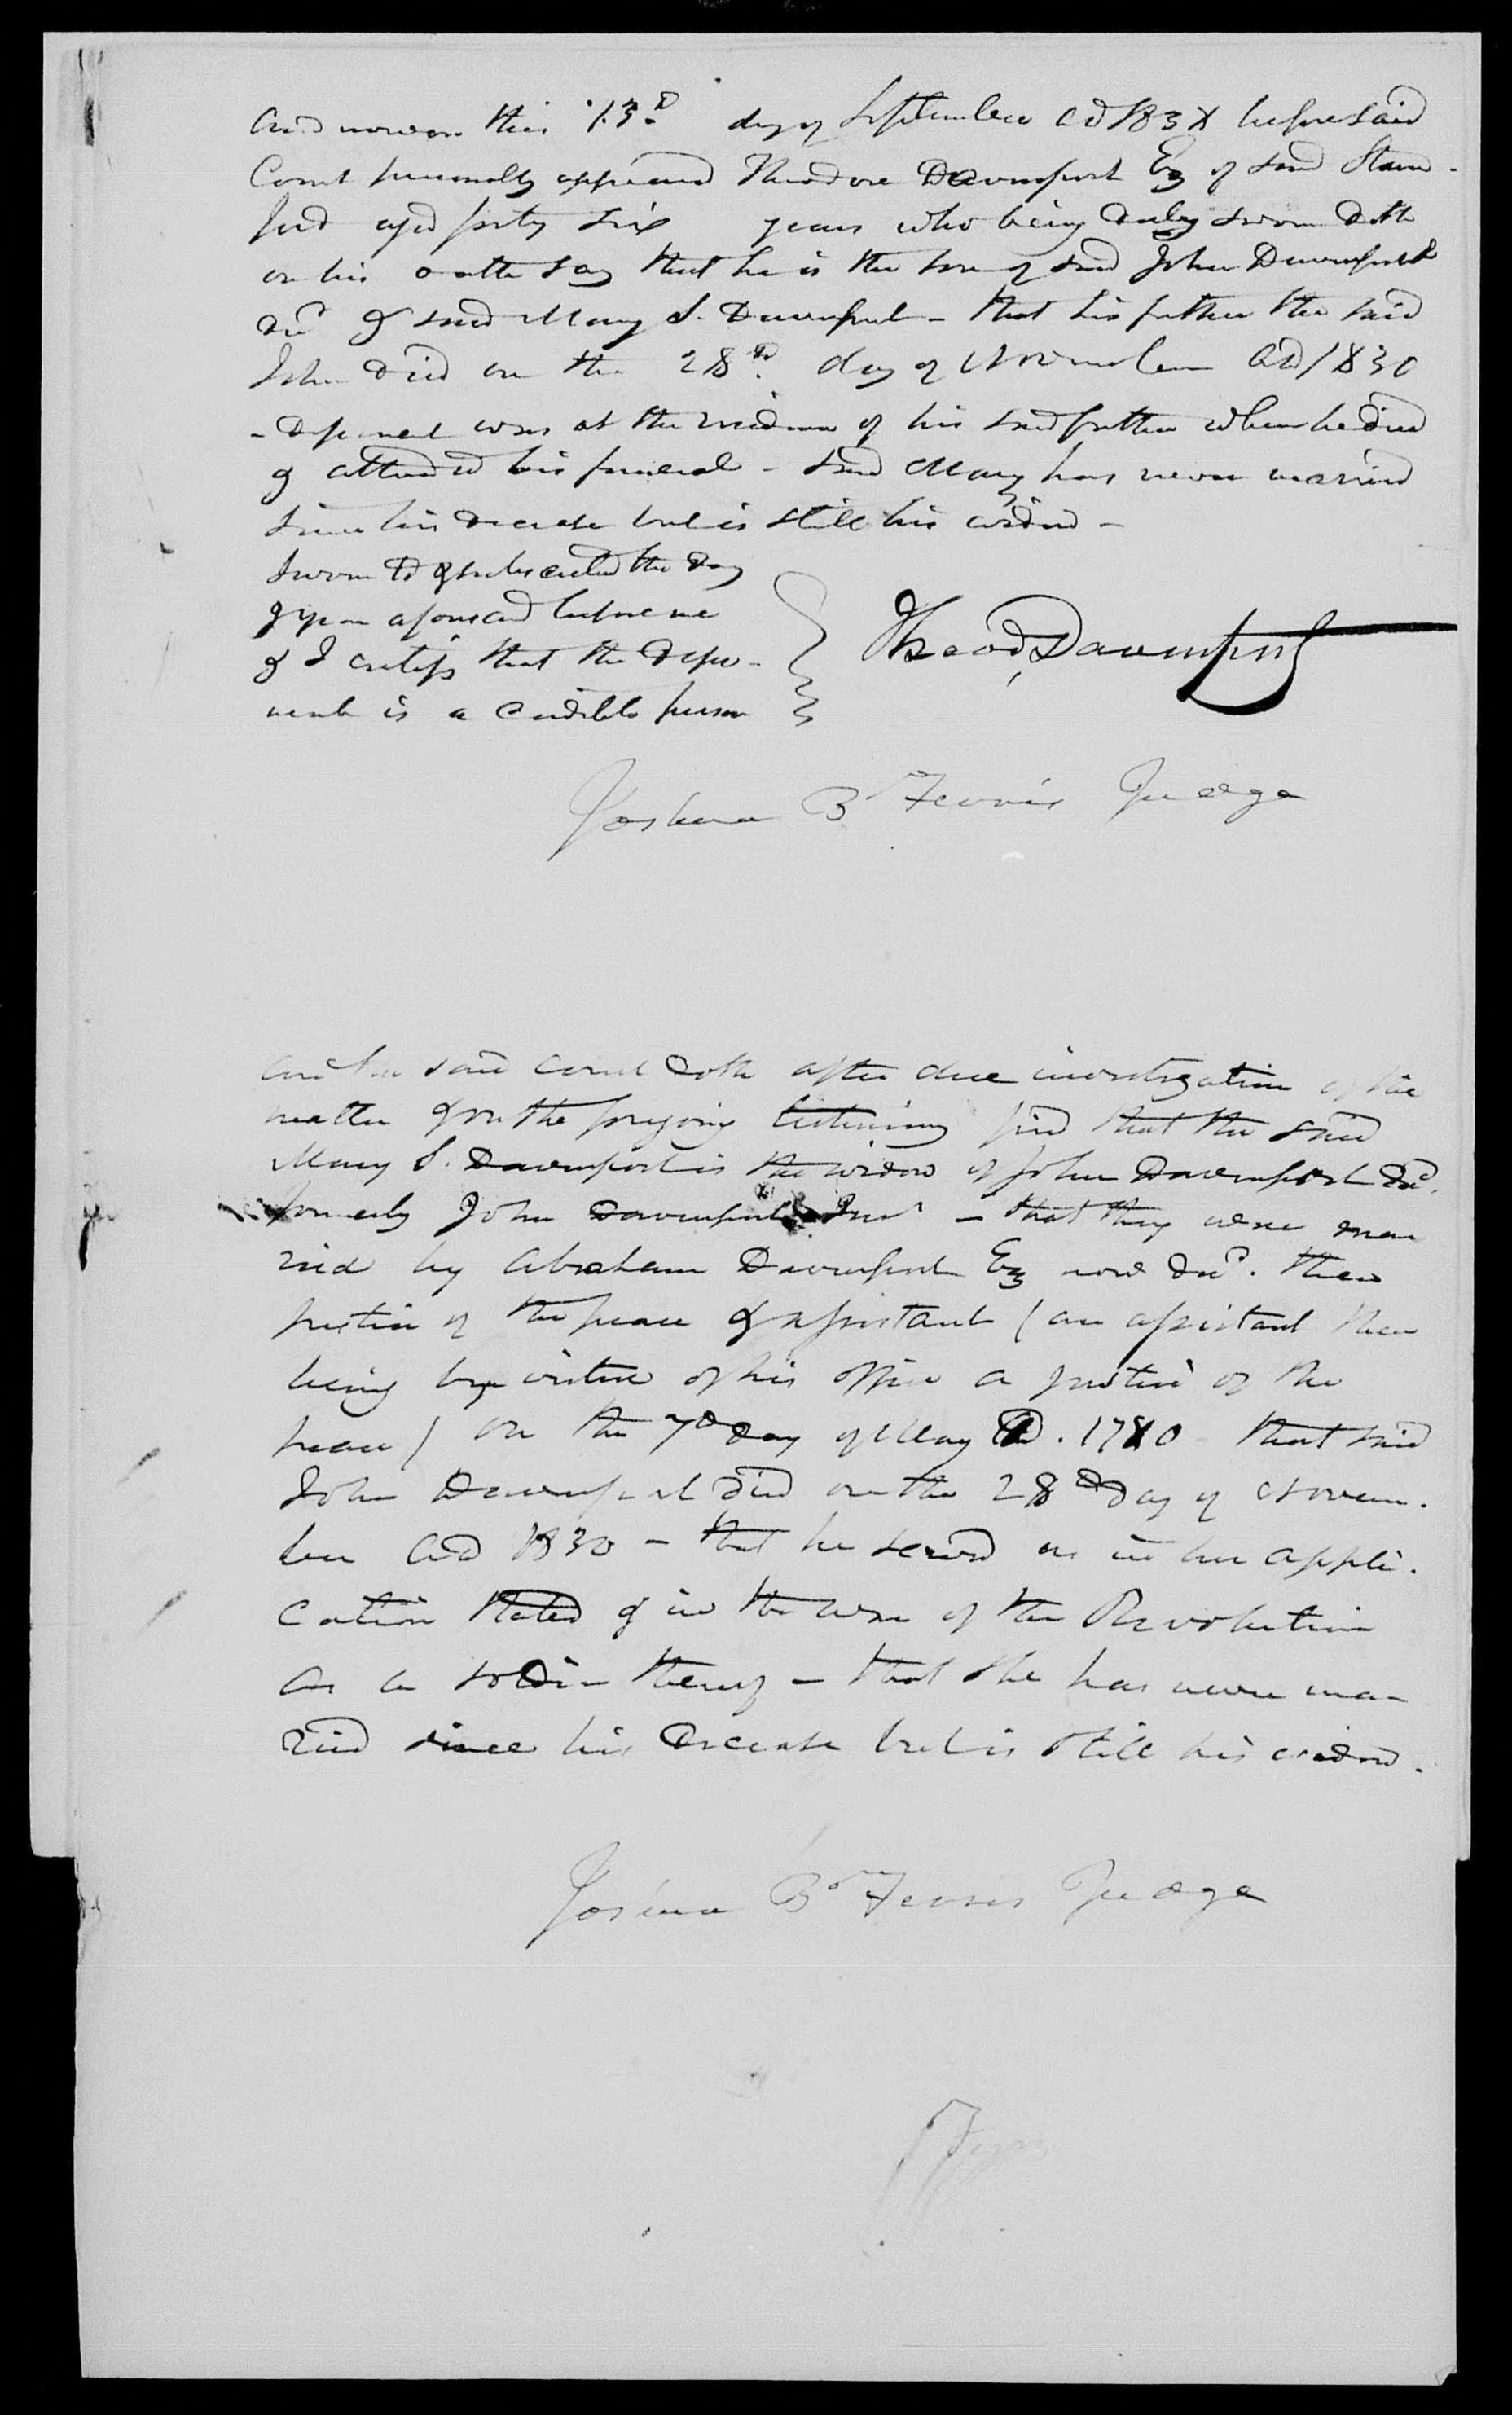and sworn this 13th day of September AD 1831 before said Court personally appears Theodore Davenport Esq. of town Stamford aged forty six years who being duly sworn doth on his oath say that he is the son of said John Davenport and and of said Mary S. Davenport --that his father the said John died on the 28th day of November AD 1830--he was at the [illegible] of his said father when he died & attended his funeral--that Mary has never remarried 
[illegible]
Sworn to & subscribed the day given and aforesaid before me & I certify that the deponent is a credible person
Theodore Davenport
Joshua B Ferris Judge

and the said court doth after due investigation of this matter & on the foregoing testimony find that the said Mary S. Davenport is the widow of John Davenport formerly John Davenport Junior--that they were married by Abraham Davenport Esq. now decd then justice of the peace [illegible] being by virtue of his office a Justice of the peace on the 7th day of May 1780 that this John Davenport died on the 28th day of November AD 1830--that he served as in her application & in the war of the Revolution as a [illegible]--that she has never married since his decease but is still his widow.

Joshua B. Ferris Judge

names: Theodore Davenport, Joshua B Ferris, Mary S Davenport, John Davenport, Abraham Davenport, Mary S Davenport, Theod Davenport, John Davenport, John, John Davenport, Mary, Joshua B Ferris, John Davenport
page: 6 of 15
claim: widow's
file: W 17711, John Davenport, Conn.